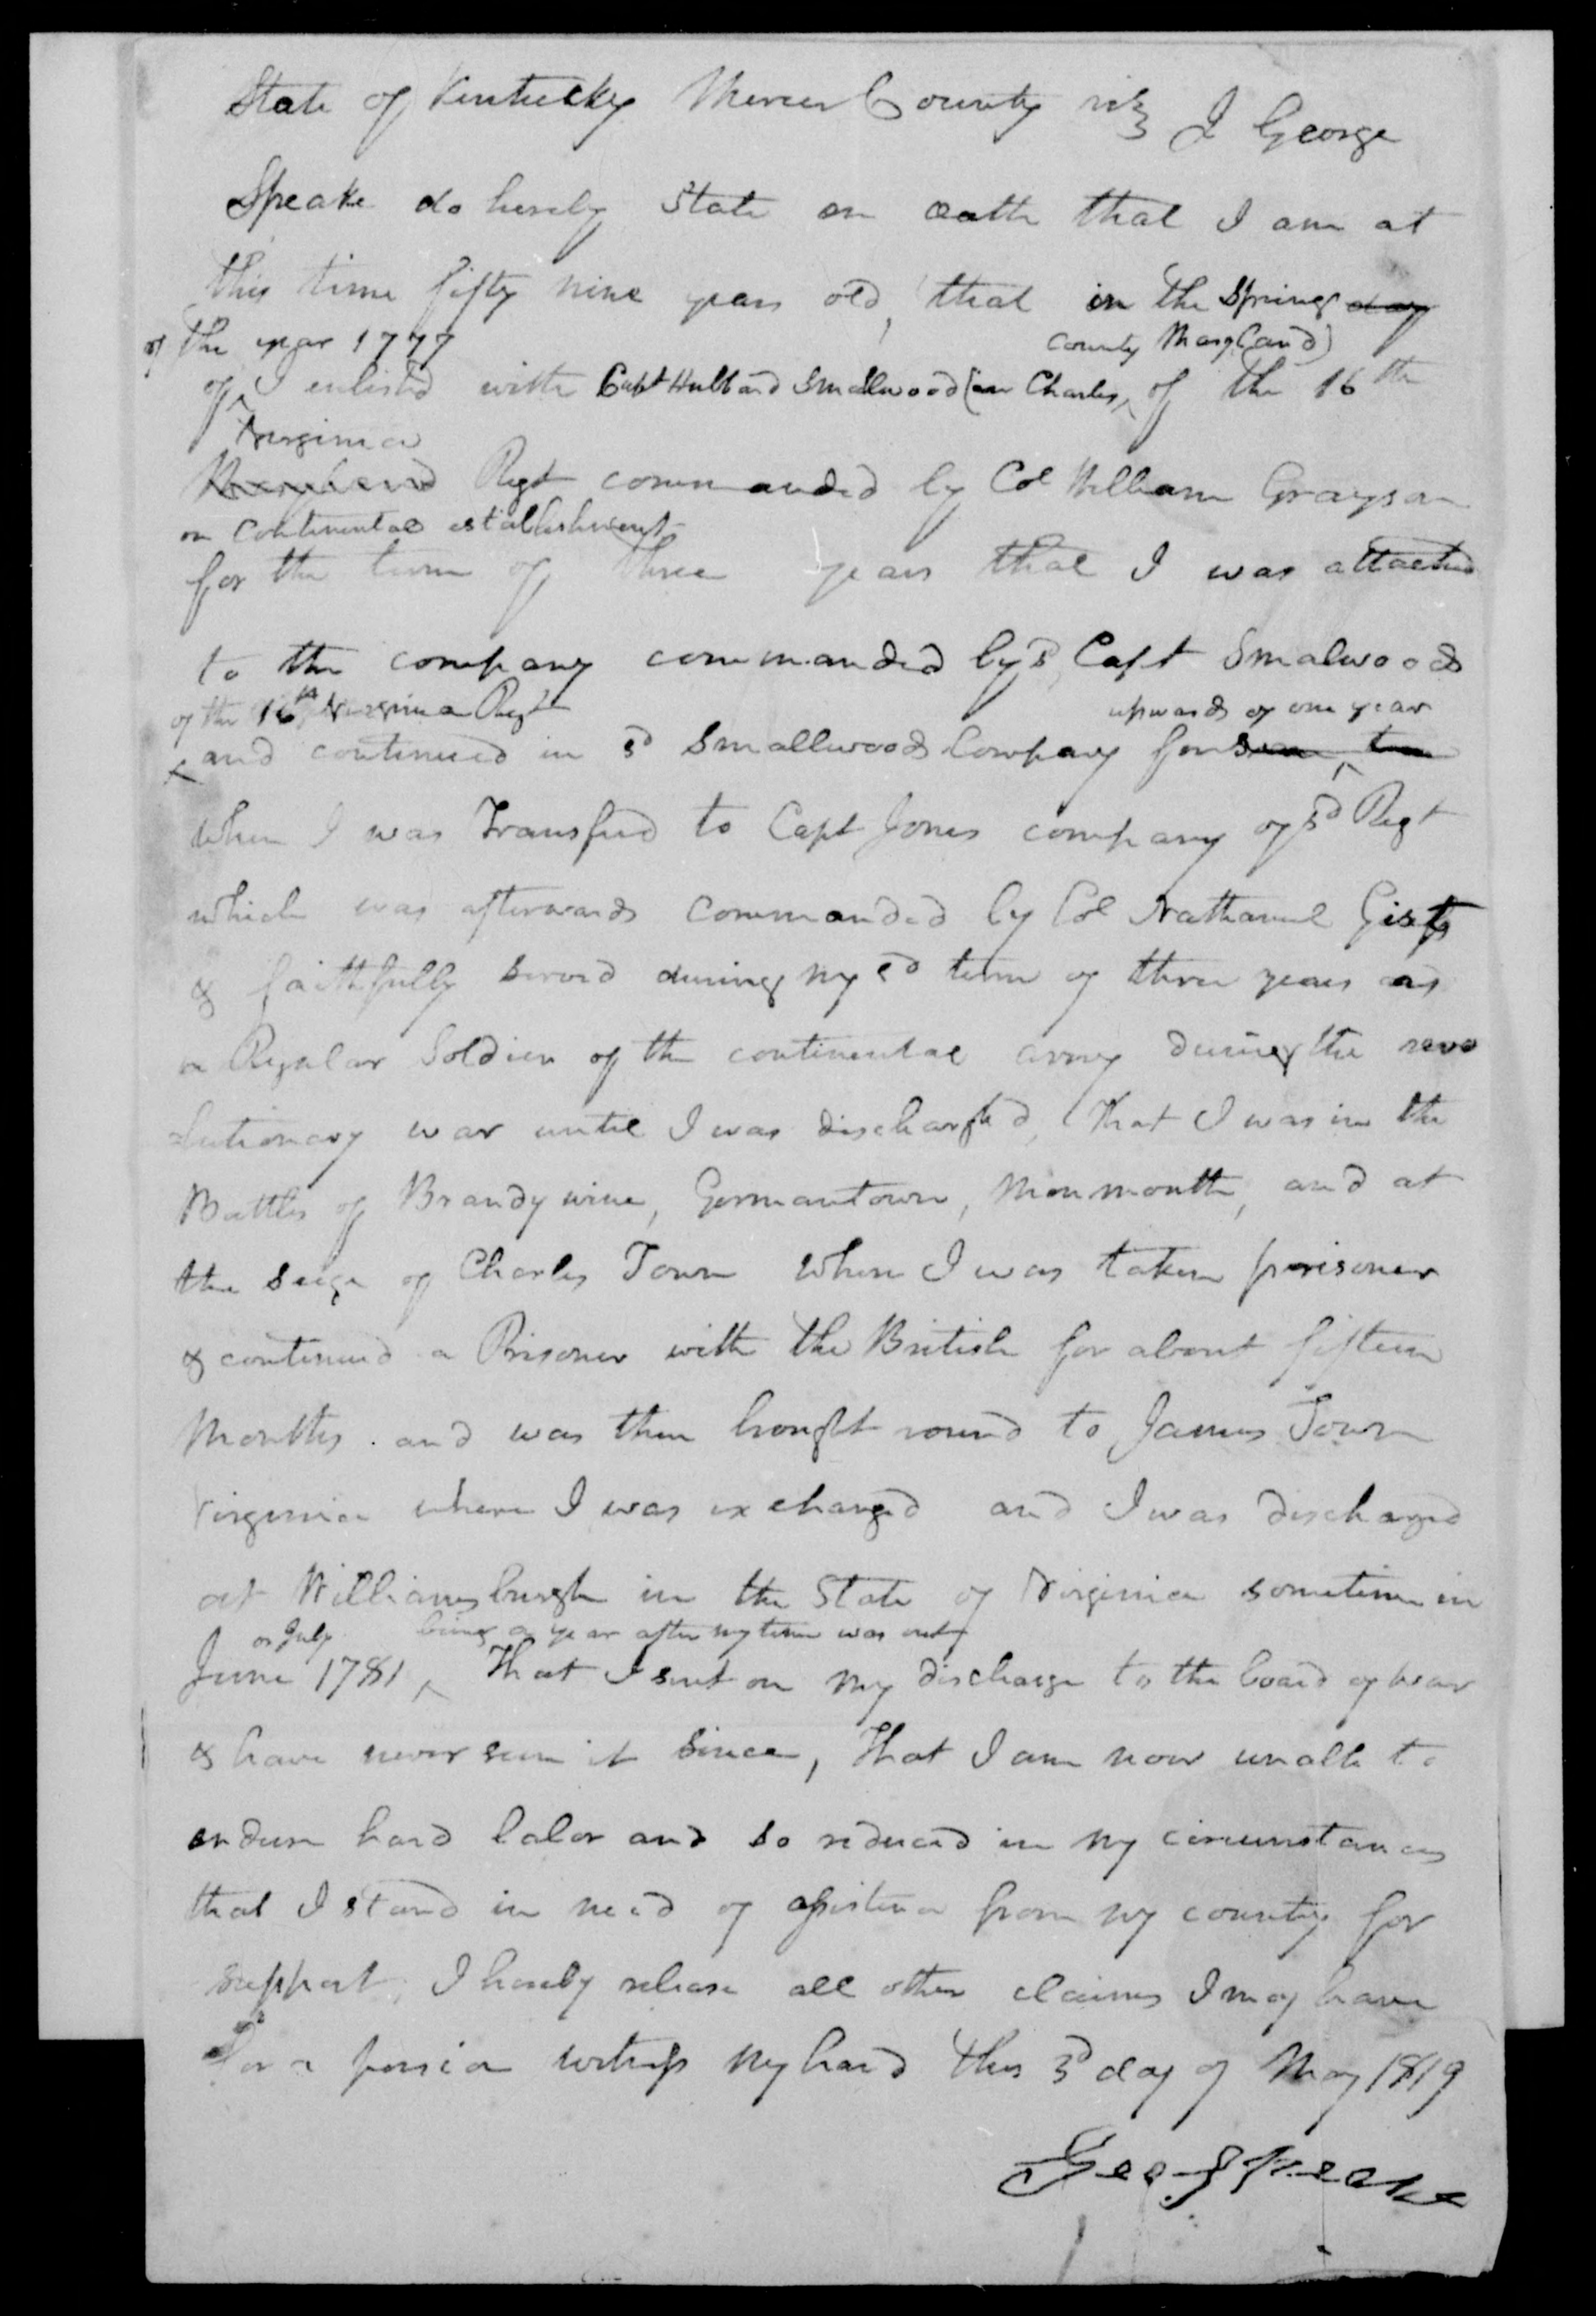State of Kentucky Mercer County} I George Speak do hereby state on oath that I am at this time fifty nine years old, that in the spring of the year 1777 I enlisted with Cpt. Hubbard Smallwood ( in Charles County Maryland) of the 16th Virginia Reg't commanded by Col. William Grayson in Continental establishment for the time of three years that I was attached to the company commanded by Capt. Smallwood of the 16th Virginia Reg't. continued in sd. Smallwood Company upwards of one year when I was transfered to Capt. Jones company of 3rd Reg't which was afterwards commanded by Col. Nathaniel Gist & faithfully served during my sd. term of three years as a regular soldier of the continental army during the revolutionary war until I was discharged, that I was in the Battle of  Brandywine, Germantown, Monmouth, and at the siege of Charles Town when I was taken prisoner & continued a prisoner with the British for about 15 months and was then brought round to James Town Virginia where I was exchanged and I was discharged at Williamsburgh in the State of Virginia sometime in June or July 1781 being a year after my term was out. That I sent in my discharge to the board of war & have never seen it since, That I am now unalbe to endure hard labor and so reduced in my circumstances that I stand in need of a pintion from my country for support. I hereby release all other claims I may have for a pension witness my and this 3d day of May 1819
Geo. Speak
[Signature]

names: William Grayson; Geo Speake; George Speake; [BLANK] Smalwood; Nathaniel Gist; Hubbard Smallwood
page: 7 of 15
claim: survivor's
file: S. 37,435, for George Speak, Virginia